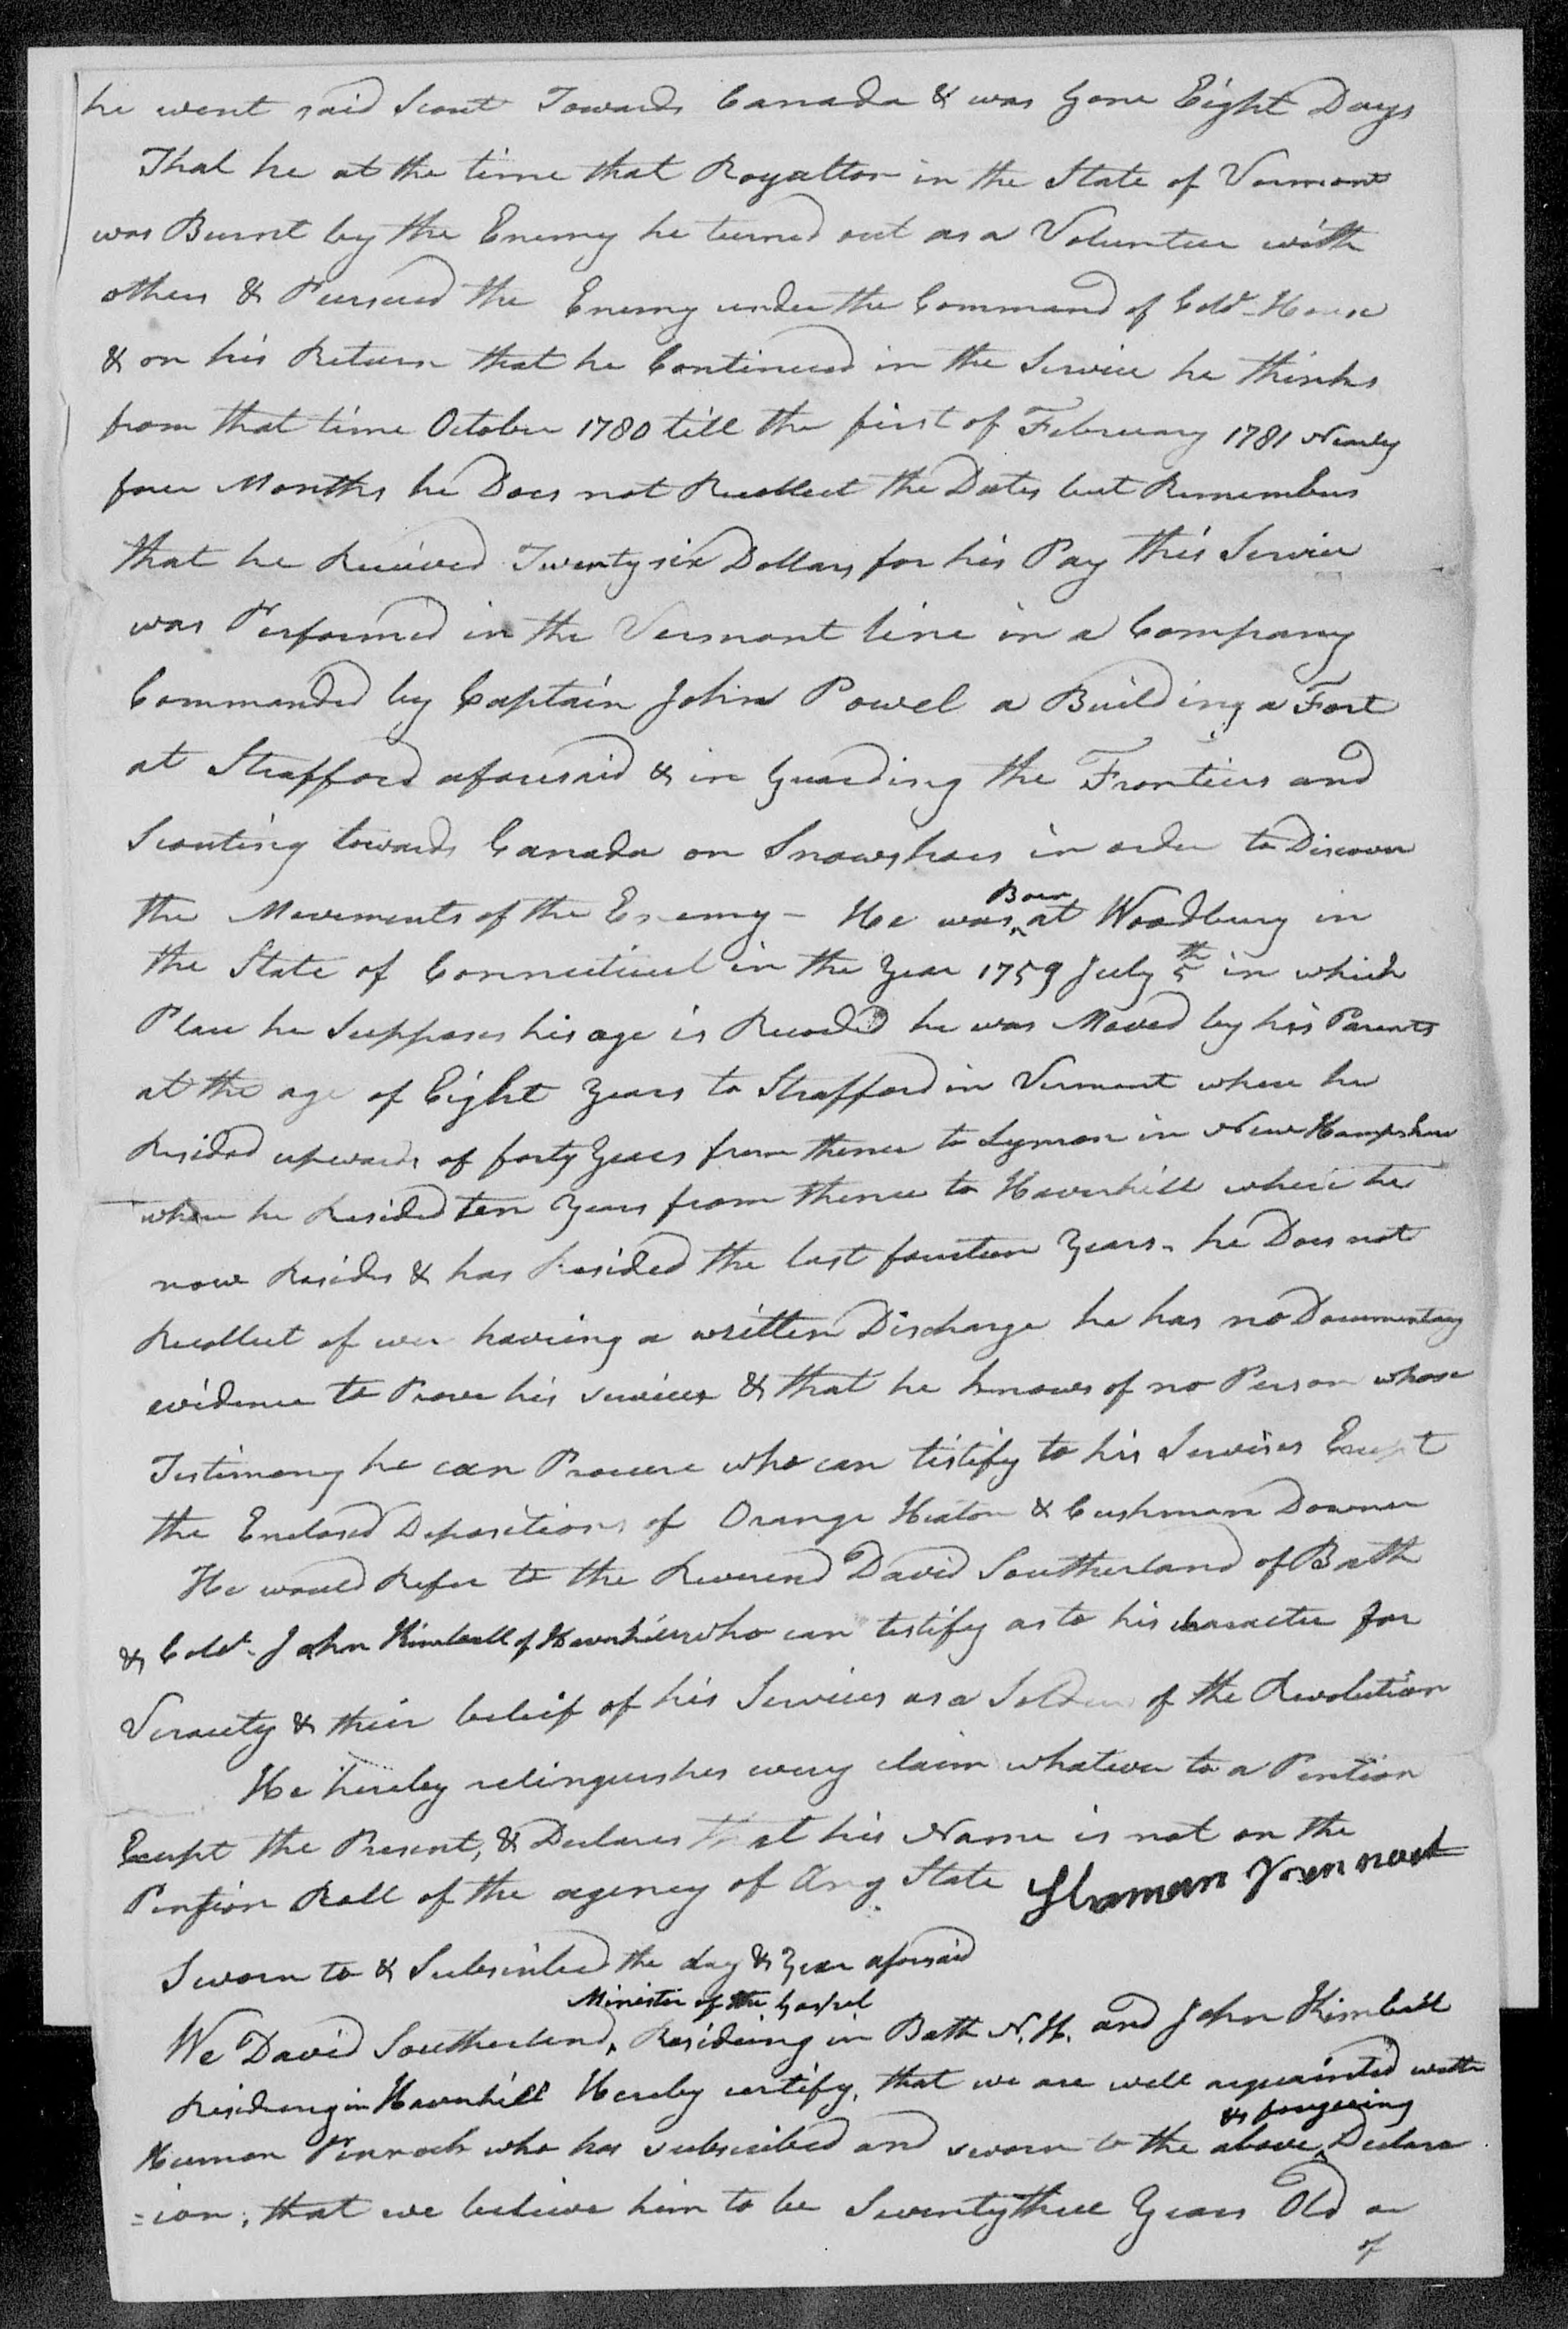he went said Scout Towards Canada & was Gone Eight Days

That he at the time that Royalton in the State of Vermont was Burnt by the Enemy he turned out as a Volunteer with others & Pursued the Enemy under the Command of Coll Horn & on his Return that he Continued the the Service he thinks from that time October 1780 till the first of February 1781 Nearly four Months he Does not recollect the Duty but Remembers that he received Twenty six Dollars for his Pay this Service was Performed in the Vermont line in a Company Commanded by Captain John Powell a Building a Fort at Strafford aforesaid & in Guarding the Frontiers and Listing towards Canada on snowshoes in order to Discover the Movements of the Enemy - He was Born at Woodbury in the State of Connecticut in the Year 1759 July 5th in which place he supposes his age is Recorded he was moved by his parents at the age of Eight years to Straffod in Vermont where he Resided upwards of forty Years from there to Lyman in New Hampshire where he Resided ten years from thence to Haverhill where he now Resides & has Resided the last fourteen Years. he Does not recollect of ever having a written Discharge he has no Documentary evidence to prove his services & that he know of no Person whose Testimony he can Procure who can testify to his Services Except the Entered Depositions of Orange Huton & Cushman Downs

He would Refer to the Reverend David Southerland of Bath & Coll. John Kimball of Haverhill who can testify as to his character for Viracity & their beleif of his [illegible or a J. Dun of the Revolution

He hereby relinquishes any claim whatever to a Pention Except the Present & Declares that his Name is not on the Pension Roll of the Agency of Amu State

Haman Pennock

Sworn to & Subscribed  the day & Year aforesaid

We David Southerland Minister of t he Gospel Residing in Bath N.H. and John Kimball Residing in Haverhill Hereby certify that we are well acquainted with Haman Pinnock who has subscribed and sworn & the above or foregoing declaration; that we believe him to be Seventy three Years old and of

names: [BLANK] Horn; Herman Pennock; John Powel; Haman Pennock; David Southerland; John Kimball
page: 6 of 12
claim: survivor's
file: S. 18,158, for Haman Pennock, Vermont